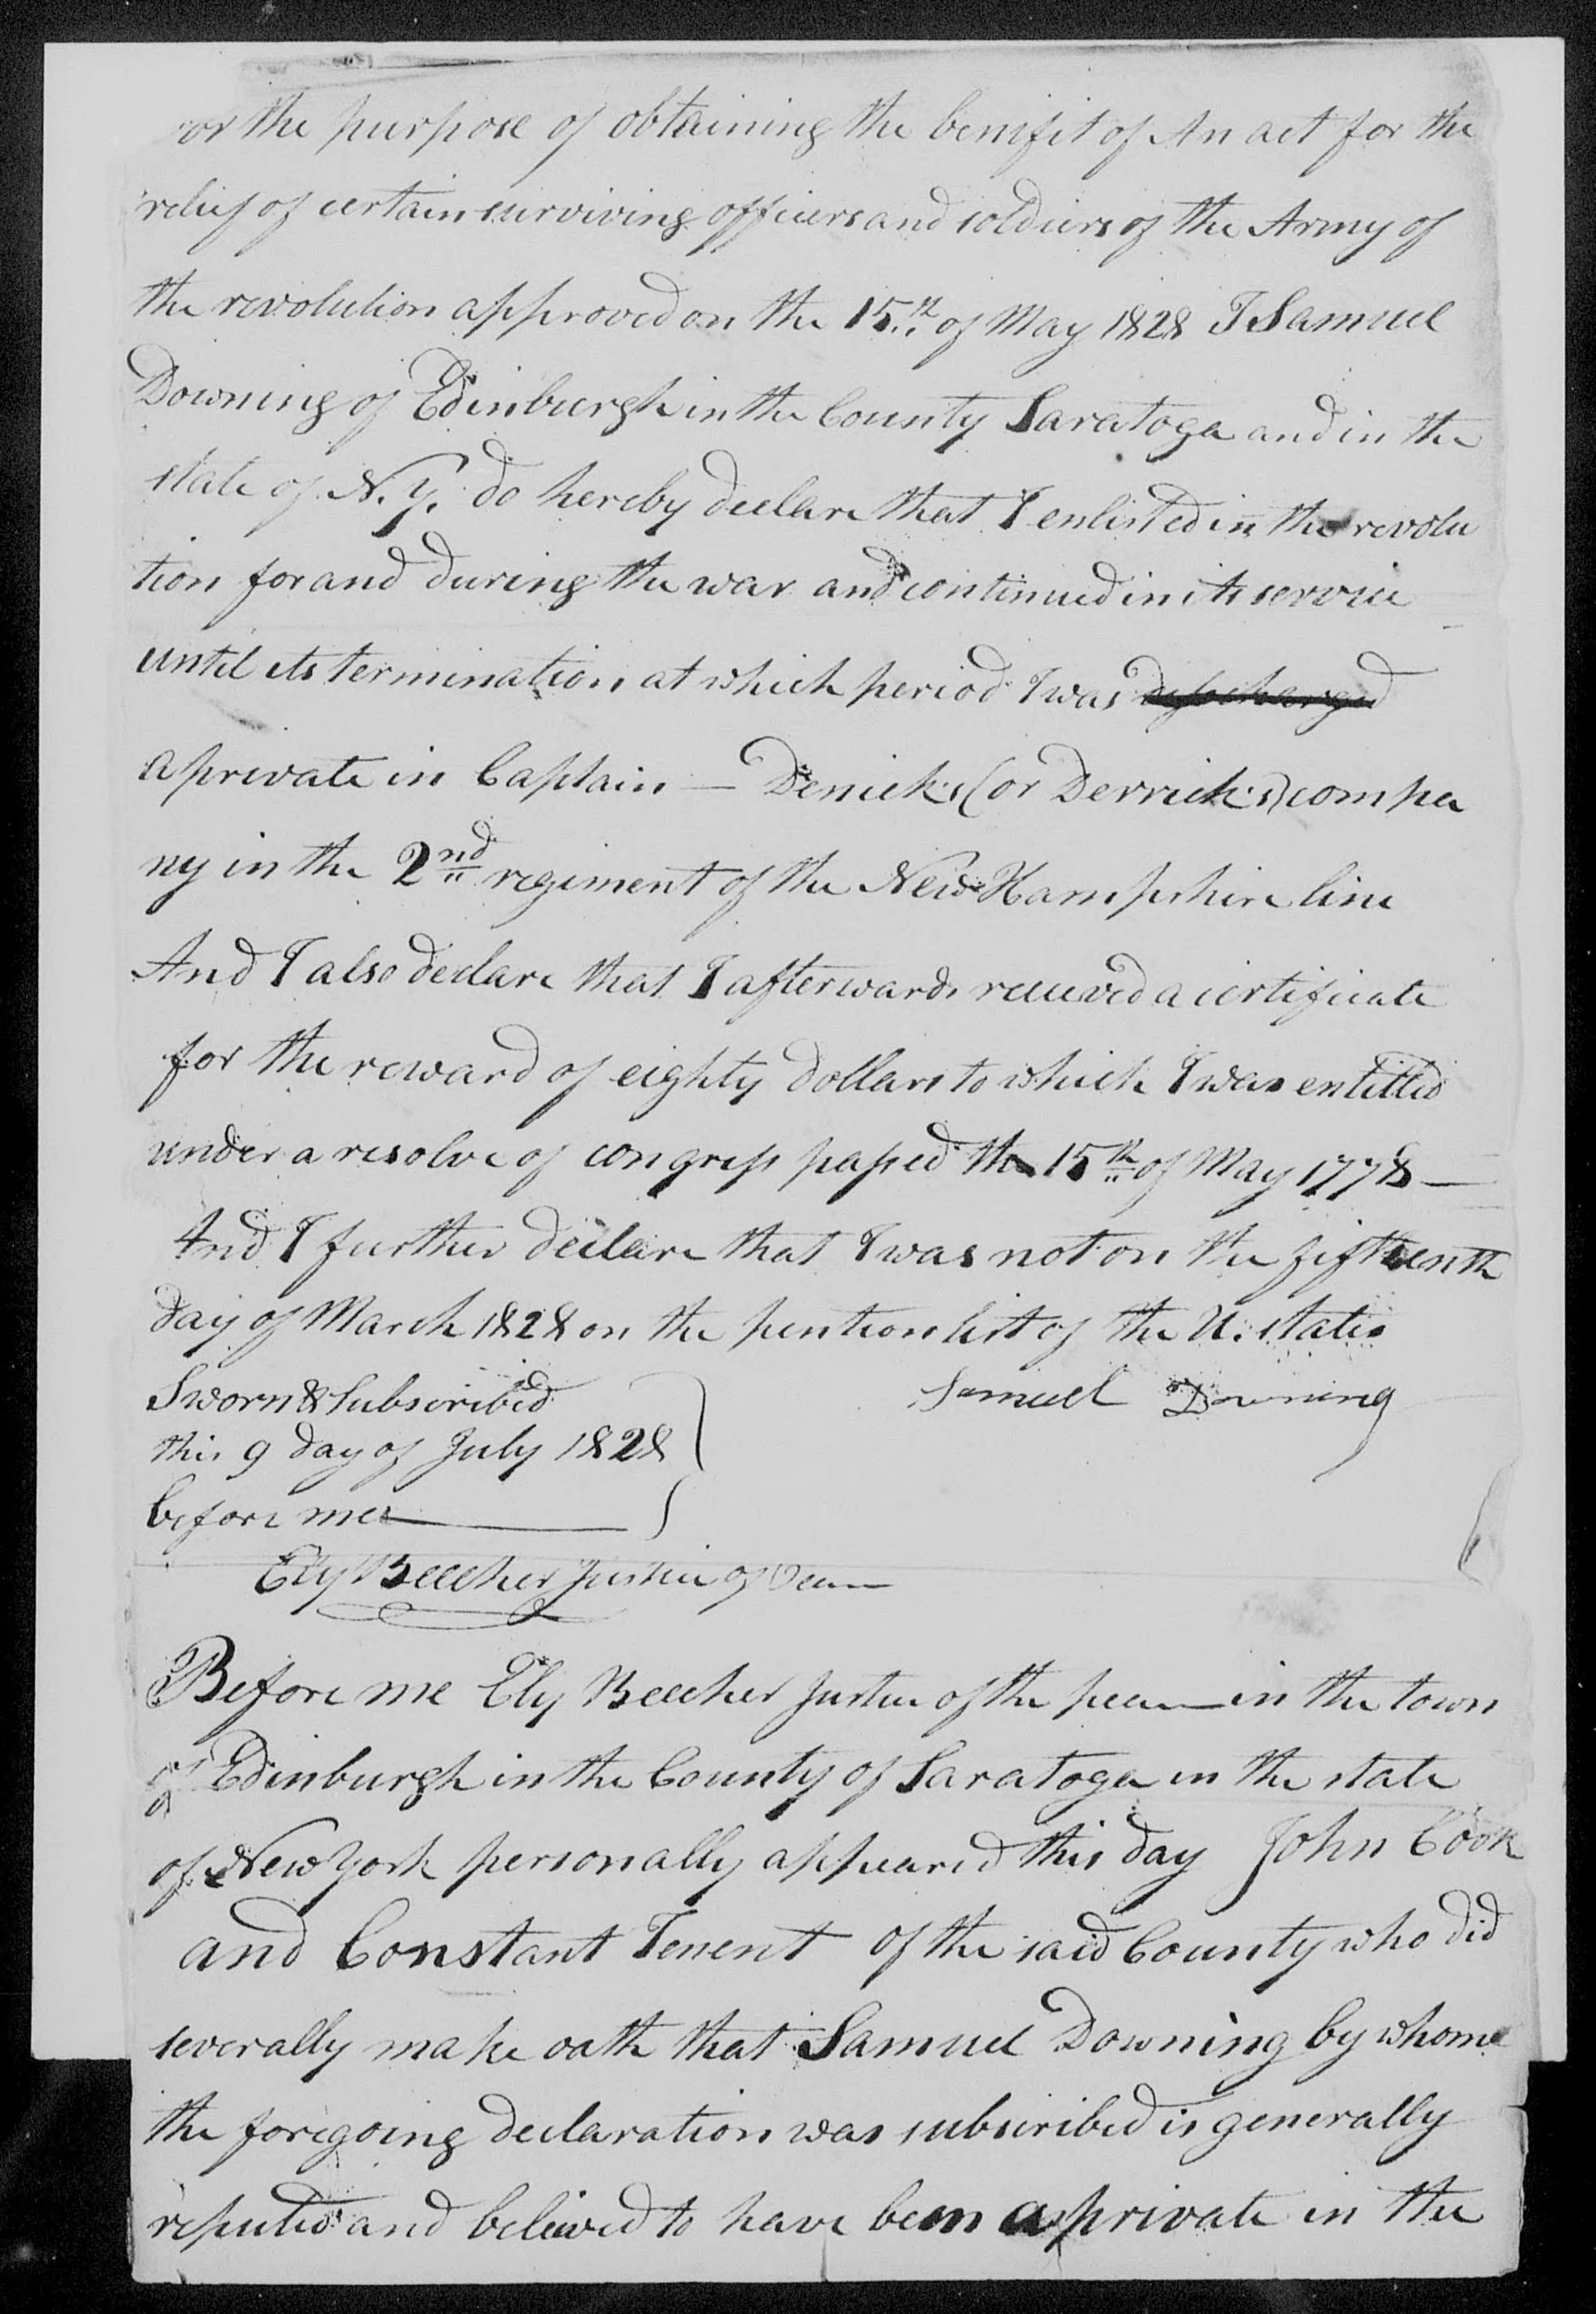For the purpose of obtaining the benefits of an act for the relief of certain surviving officers and soldiers of the Army of the Revolution approved on the 15th of May 1828  I Samuel Downing of Edinburgh in the County Saratoga and in the state of N.Y. do hereby declare that I enlisted in the revolution for and during the war and continued in the service until its termination at which period I was (crossed out) a Private in Captain Denicks (or Derrick’s) company in the 2nd regiment of the New Hampshire line And I also declare that I afterwards received a certificate for the reward of eighty dollars to which I was entitled under a resolving of congress passed the 15th of May 1778 And I further declare that I was not on the fifteenth day of March 1828 on the pension of the U.States 
Samuel Downing
Sworn & Subscribed this 9 Day of July 1828 before me Ely Beecher Justice of Peace
Before me Ely Beecher Justice of the Peace in the town of Edinburgh in the County of Saratoga in the state of New York personally appeared this Day John Cook and Constant Tenent of the said County who did severally make oath that Samuel Downing by whom the foregoing declaration was inscribed is generally reputed and believed to have been a Private in the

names: Ely Beecher, Ely Beecher, Samuel Downing, Samuel Downing, Constant Tenent, John Cook, Samuel Downing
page: 49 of 56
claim: survivor's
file: S. 40,055, Samuel Downing, N.H.